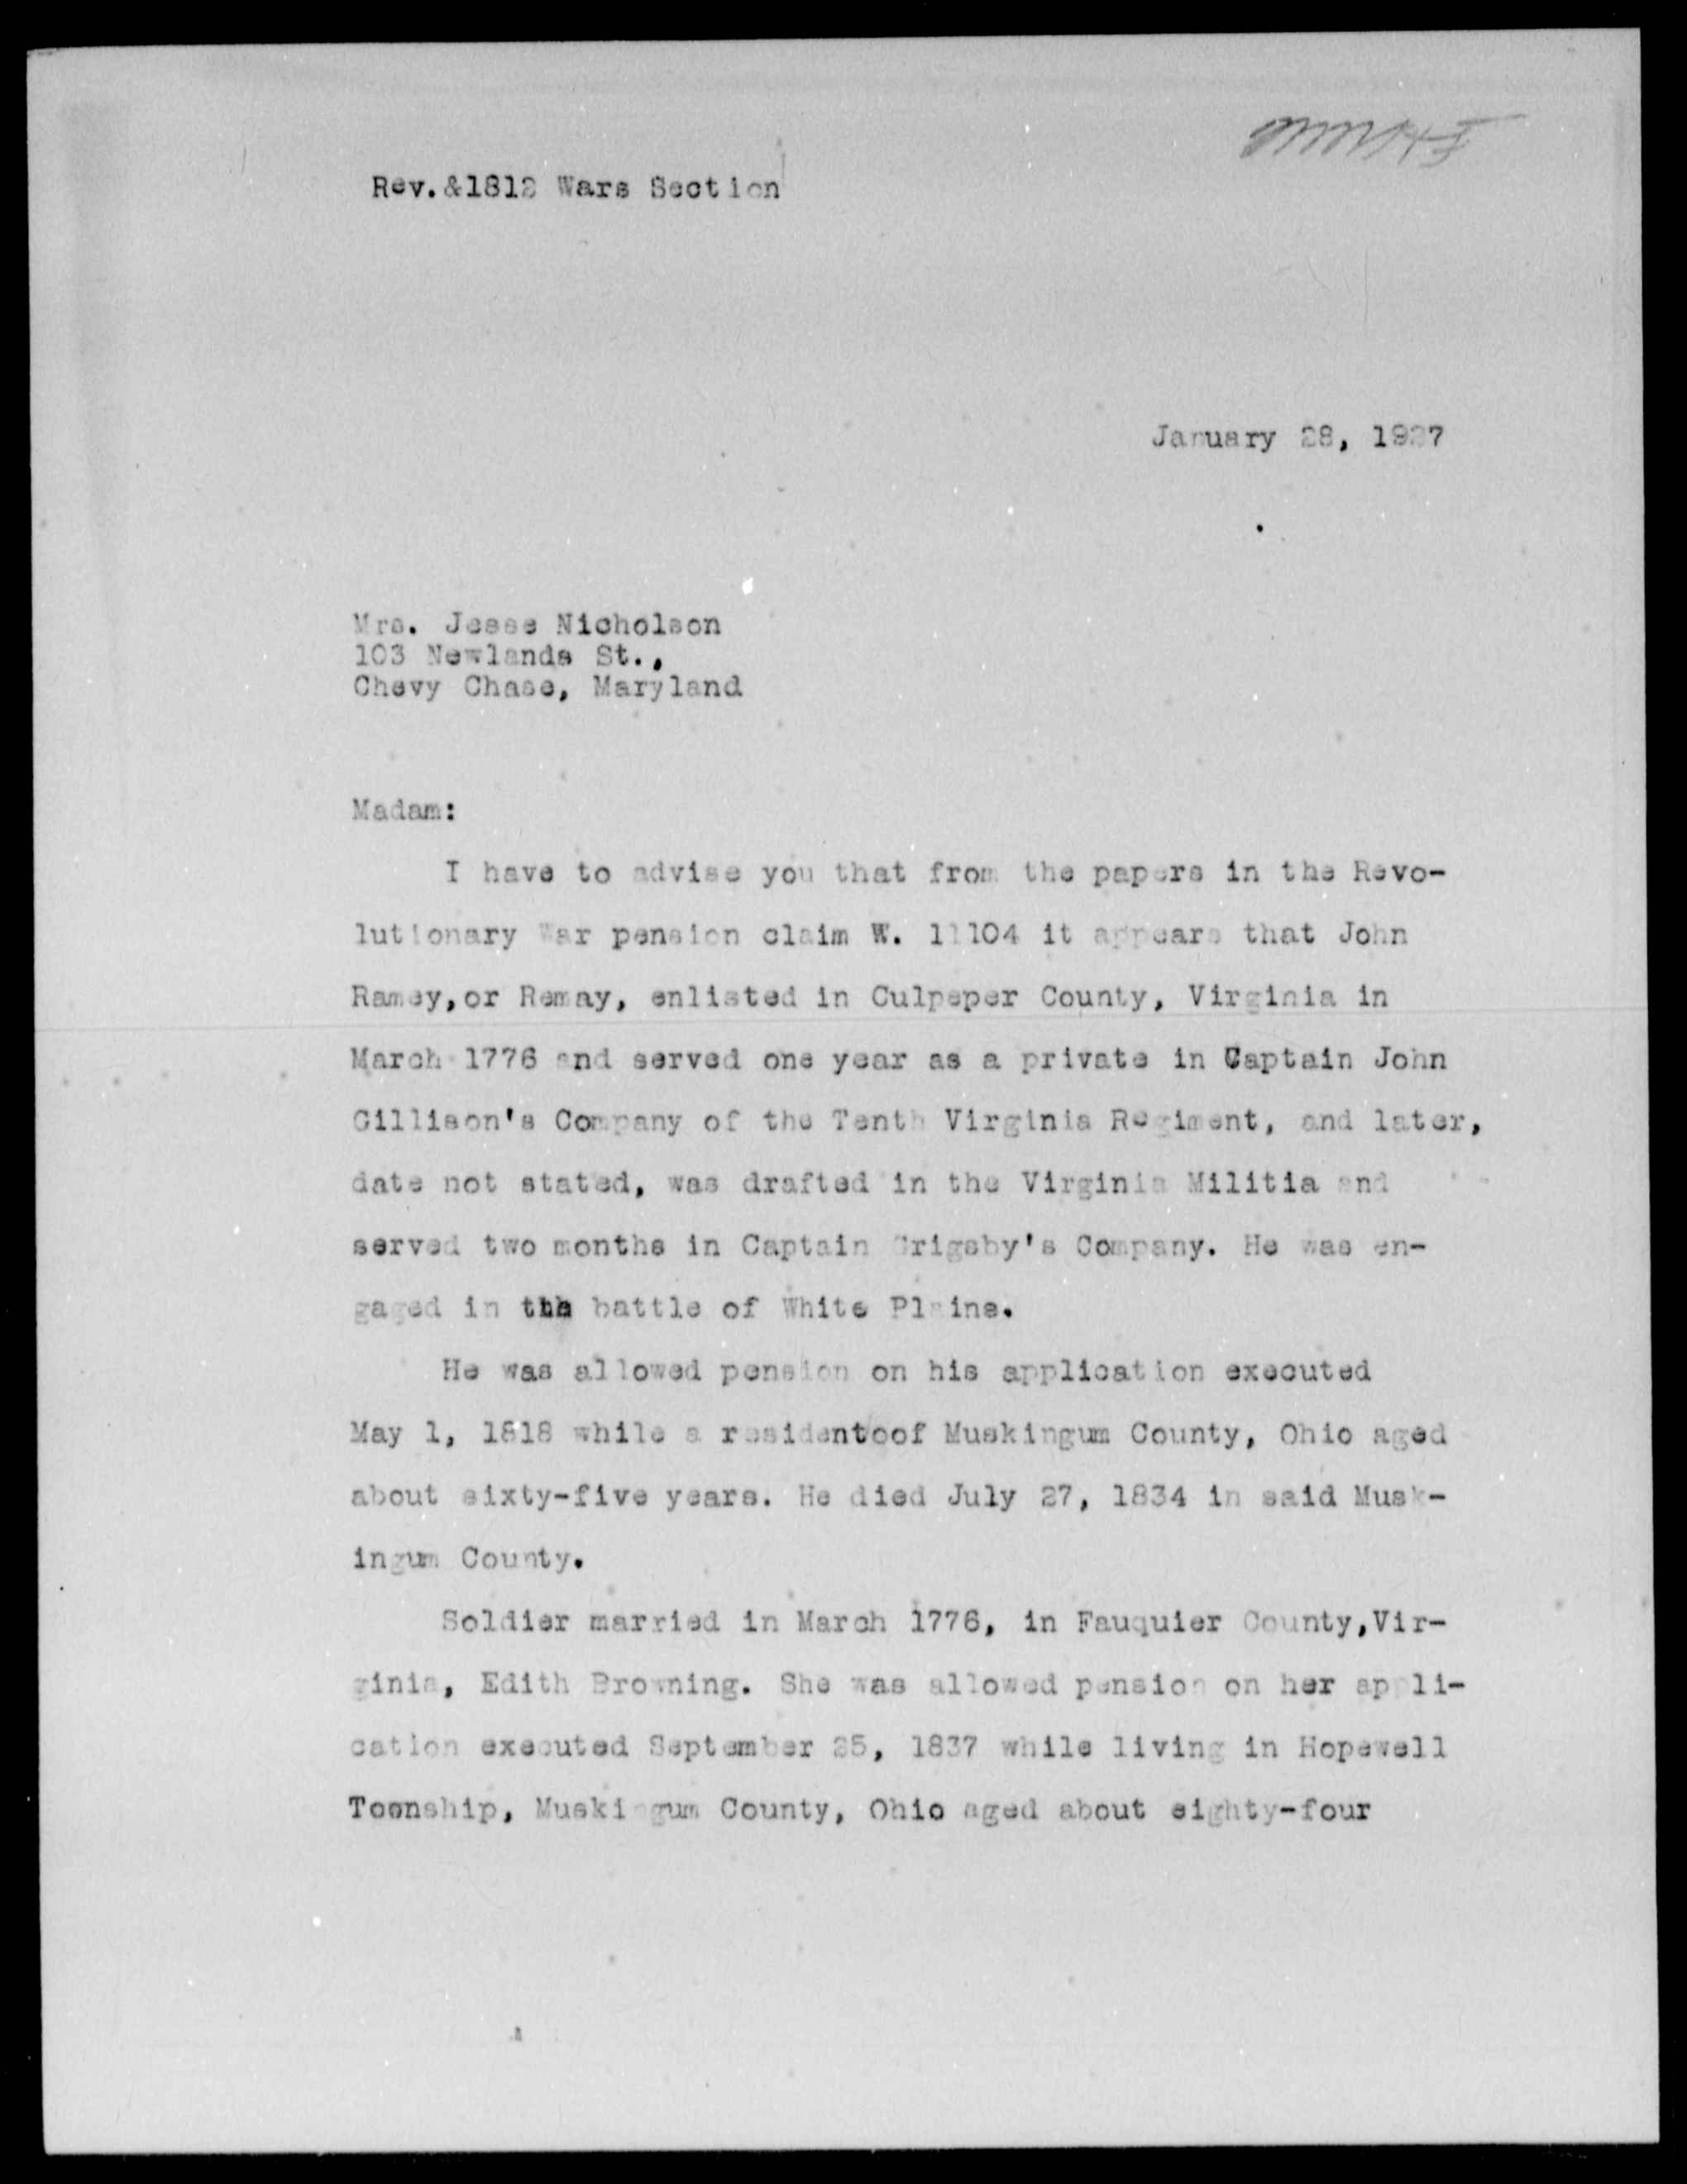MMHF
Rev.&1812 Wars Section
January 28, 1927
Mrs. Jesse Nicholson
103 Newlands St.,
Chevy Chase, Maryland

Madam:
I have to advise you that from the papers in the Revolutionary War pension claim W. 11104 it appears that John Ramey, or Remay, enlisted in Culpeper County, Virginia in March 1776 and served one year as a private in Captain John Gillison's Company of the Tenth Virginia Regiment, and later, date not stated, was drafted in the Virginia Militia and served two months in Captain Grigsby's Company. He was engaged in the battle of White Plains.
He was allowed pension on his application executed May 1, 1818 while a resident of Muskingum County, Ohio aged about sixty-five years. He died July 27, 1834 in said Muskingum County.
Soldier married in March 1776, in Fauquier County, Virginia, Edith Browning. She was allowed pension on her application executed September 25, 1837 while living in Hopewell Township, Muskingum County, Ohio aged about eighty-four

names: John Ramey; Jesse Nicholson; Edith Browning; John Remay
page: 40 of 84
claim: widow's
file: W.11104, for John Remay, Virginia